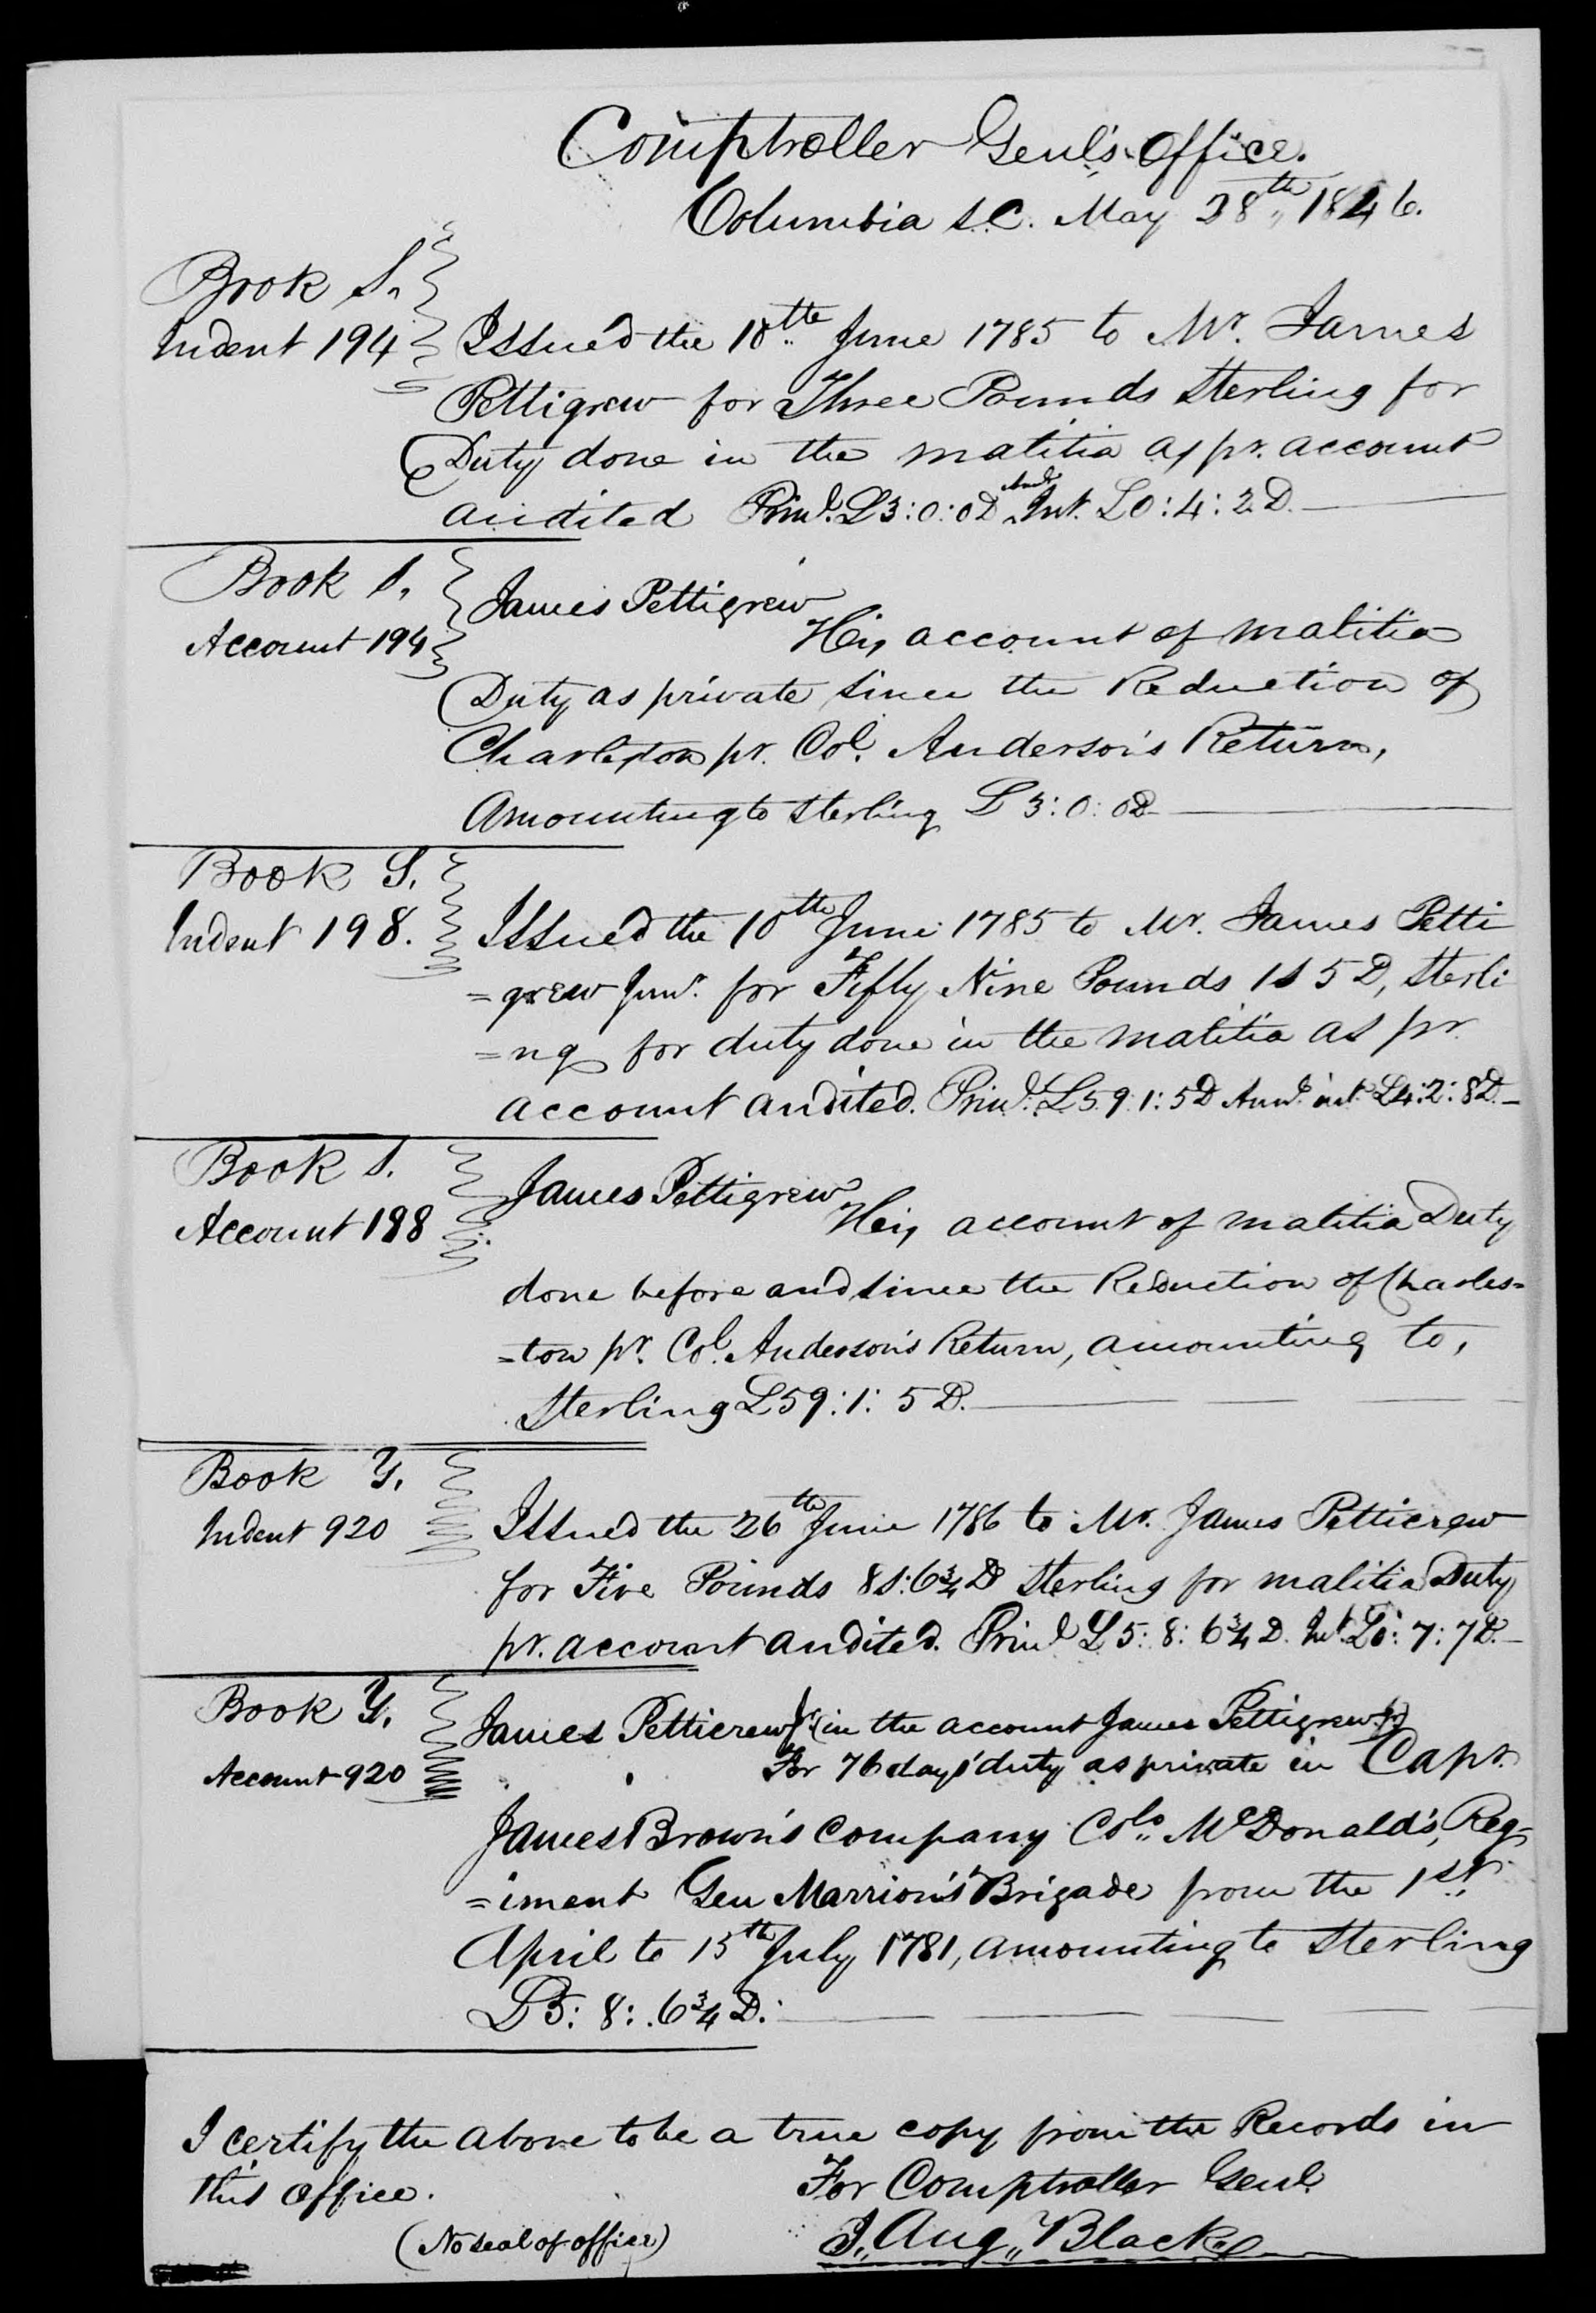Comptroller Genl's Office.
Columbia SC. May 28th 1846
_________
Book S
Indent 194
Issued the 10th June 1785 to Mr. James
Pettigrew for three Pounds Sterling for Duty done in the malitia (militia) as per account
audited [illegible]
__________
Book S
Account 194
James Pettigrew
His account of Malitia
Duty as private since the Reduction of
Charleston pr Col Anderson's Return,Accounting to Sterling £ 3:0:08
__________
Book S
Indent 198
Issued the 10th June 1785 to Mr. James Pettigrew
privt for Fifty Nine Pounds 115D, Sterling
for duty done in the malitia as pr
account audited [illegible]
__________
Book S
Account 198
James Pettigrew
His account of Malitia Duty before and since the Reduction of Charles 
=ton pr Col Anderson's Return, accounting to,
Sterling £ 59:1:5 D.
__________
Book Y
Indent 920
Issued the 26th June 1786 to Mr. James Pettigrew
for Five Pounds [illegible] Sterling for malitia Duty
pr account audited [illegible]
__________
Book Y
Account 920
James Pettigrew (in the account James Pettigrew)
For 76 days' dury as private in Caps.
James Brown's company Col McDonald's Reg
=iment Gen Marrion's Brigade for the 1st
April to 15th July 1781, Accounting to Sterling
£ 5:8:6 3/4 D
__________

I certify the above to be a true copy from th Records in
this office
For Comptroller Genl
J Aug Black.

(no Seal of office)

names: [BLANK] Anderson; James Pettigrew; J Aug Black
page: 62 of 92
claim: widow's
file: W. 5522, for James Pettigrew, South Carolina